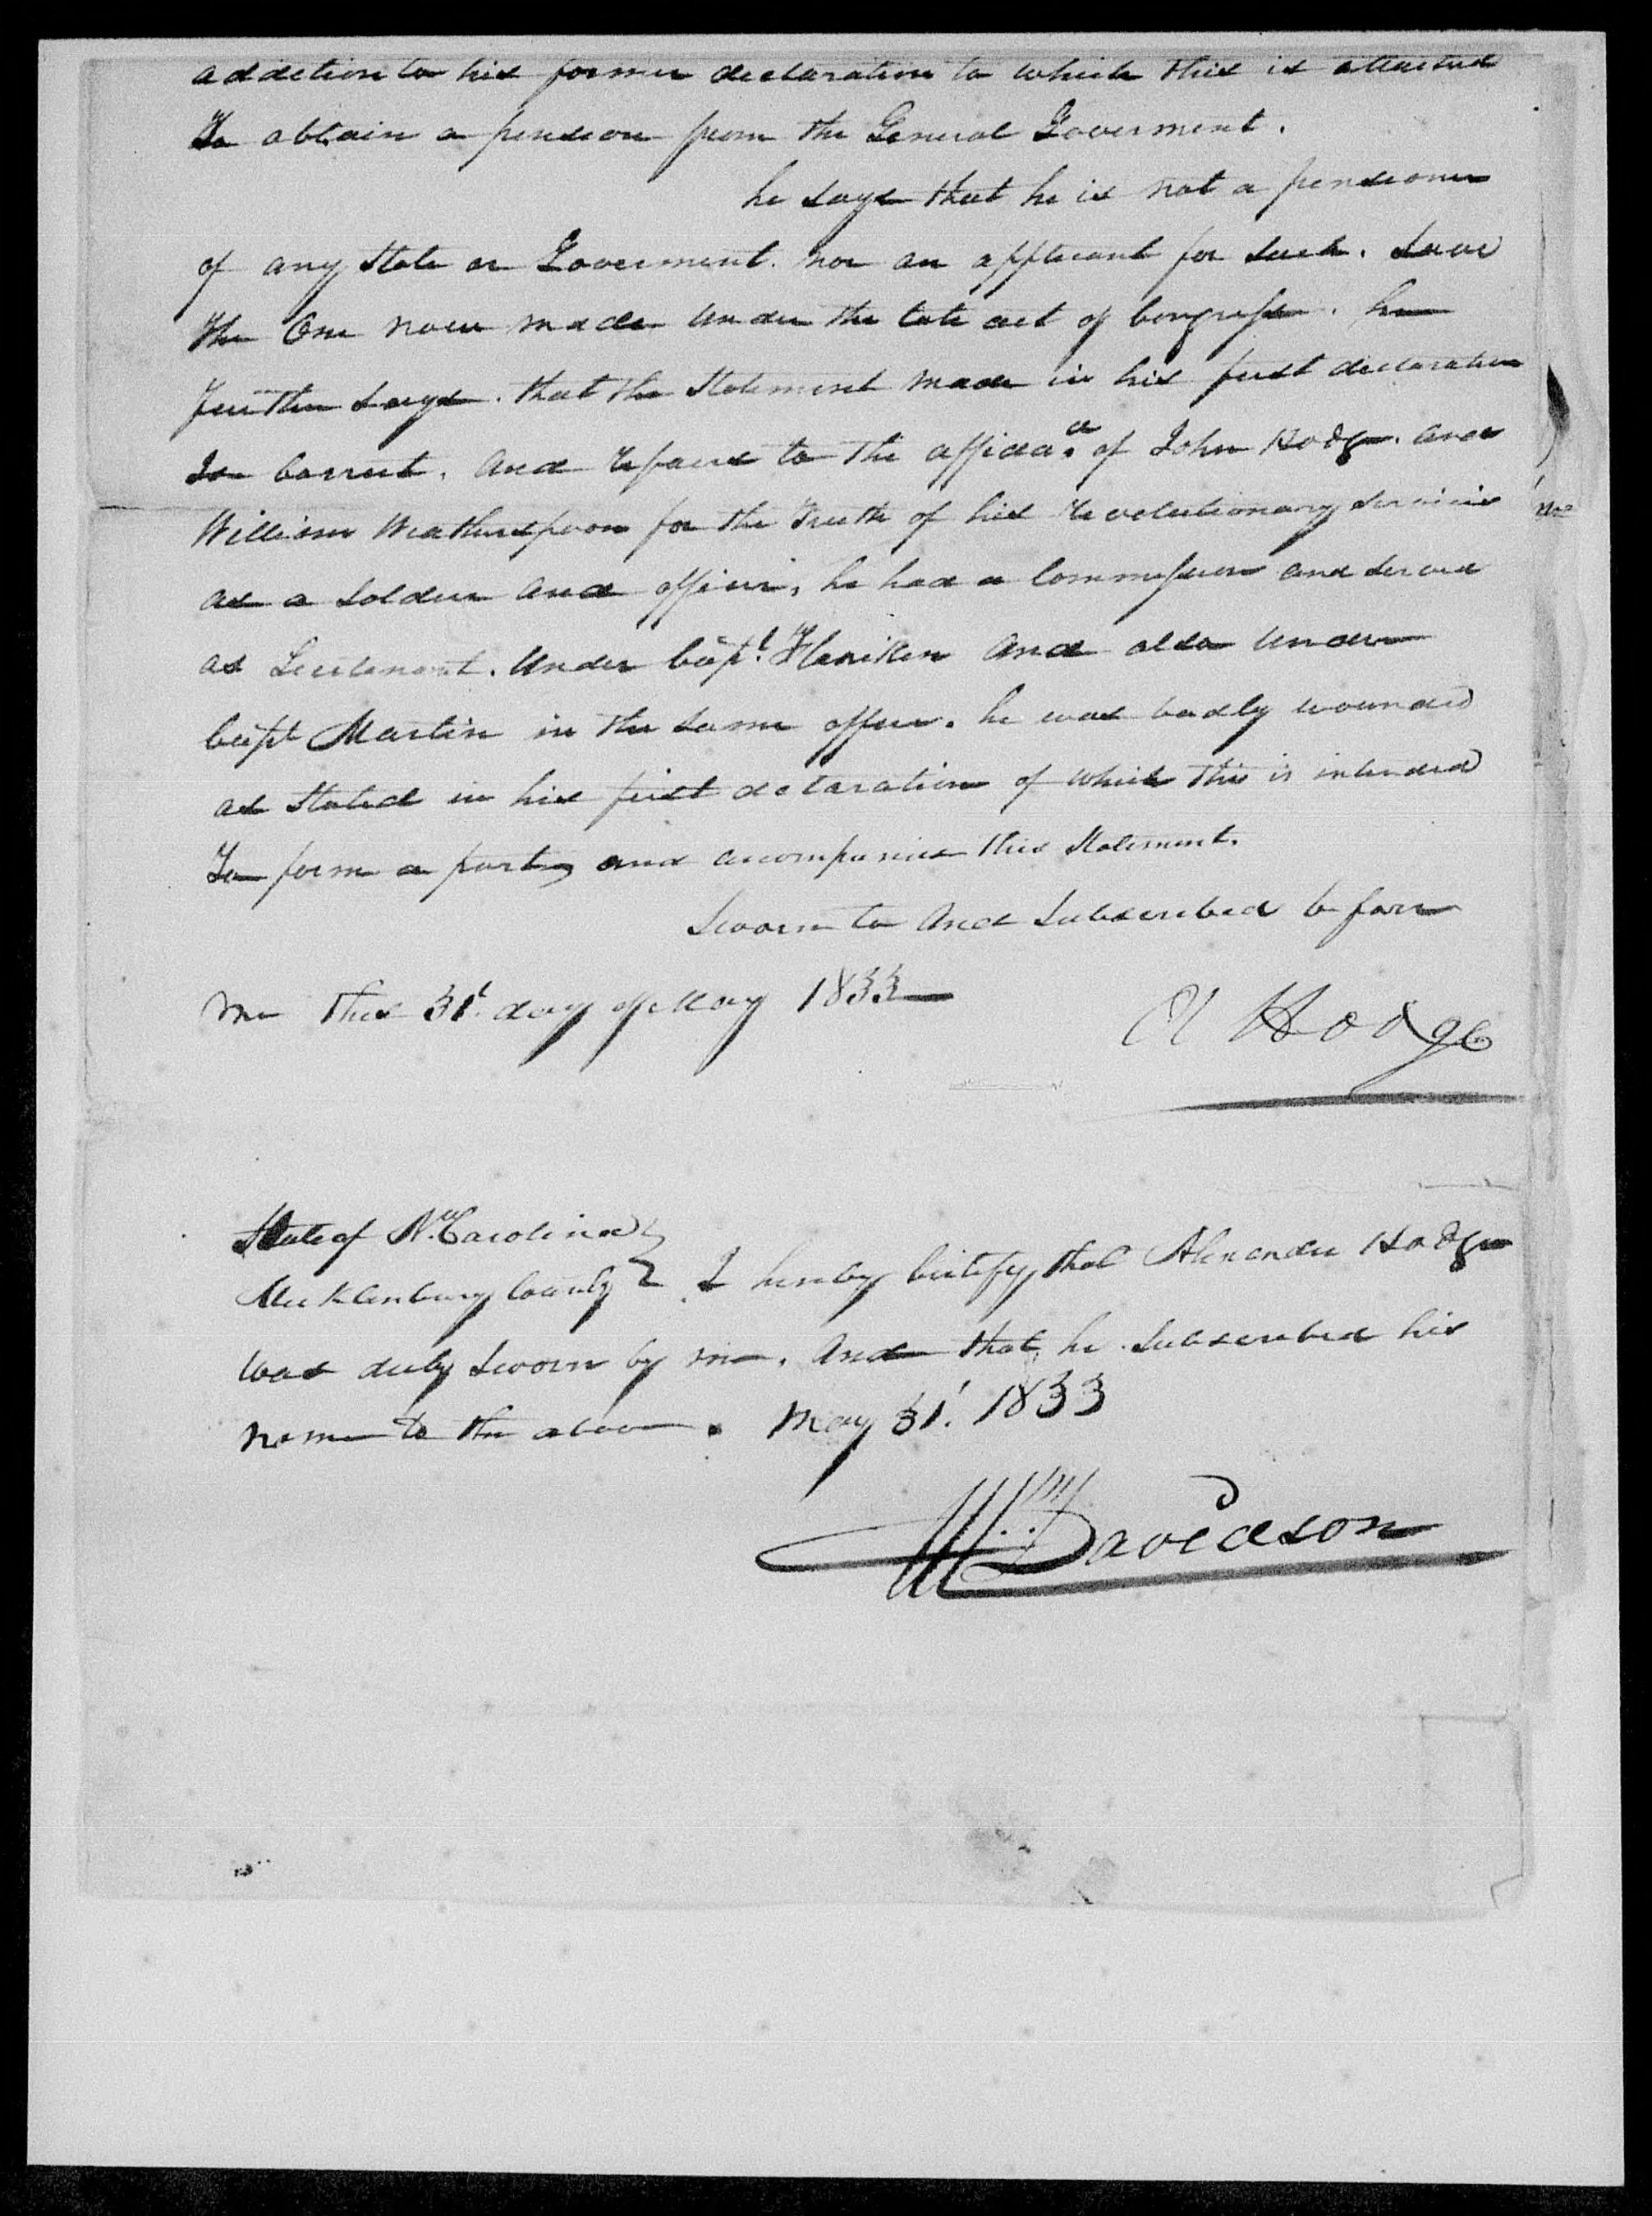addition to his former declaration to which this is attested to obtain a pension from the General Government.
He says that he is not a pensioner of any State or Government nor an affiant for such save the one now made under the late act of Congress.  He further says that the statement made in his first declaration is correct.  And refers to the affiant a of John Hodge and William Weatherspoon for the truth of his revolutionary services as a soldier and officer, he had a commission and served as Lieutenant under Capt Fleniken and also under Capt Martin in the same offers. He was badly wounded as stated in his first declaration of which this is intended to form a parting and accompanies this statement.
Sworn to and Subscribed before me this 31 day of May 1833.
A Hodge

State of N. Carolina}
Mecklenburg County}

I hereby certify that Alexander Hodge was duly sworn by said, and that he subscribed his name to the above.  May 31, 1833

Wm Davidson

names: Wm Davidson, Alexander Hodge, William Weatherspoon, Fleniken, Martin, John Hodge, A Hodge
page: 12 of 14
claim: survivor's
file: S. 8737, Alexander Hodge, N.C.